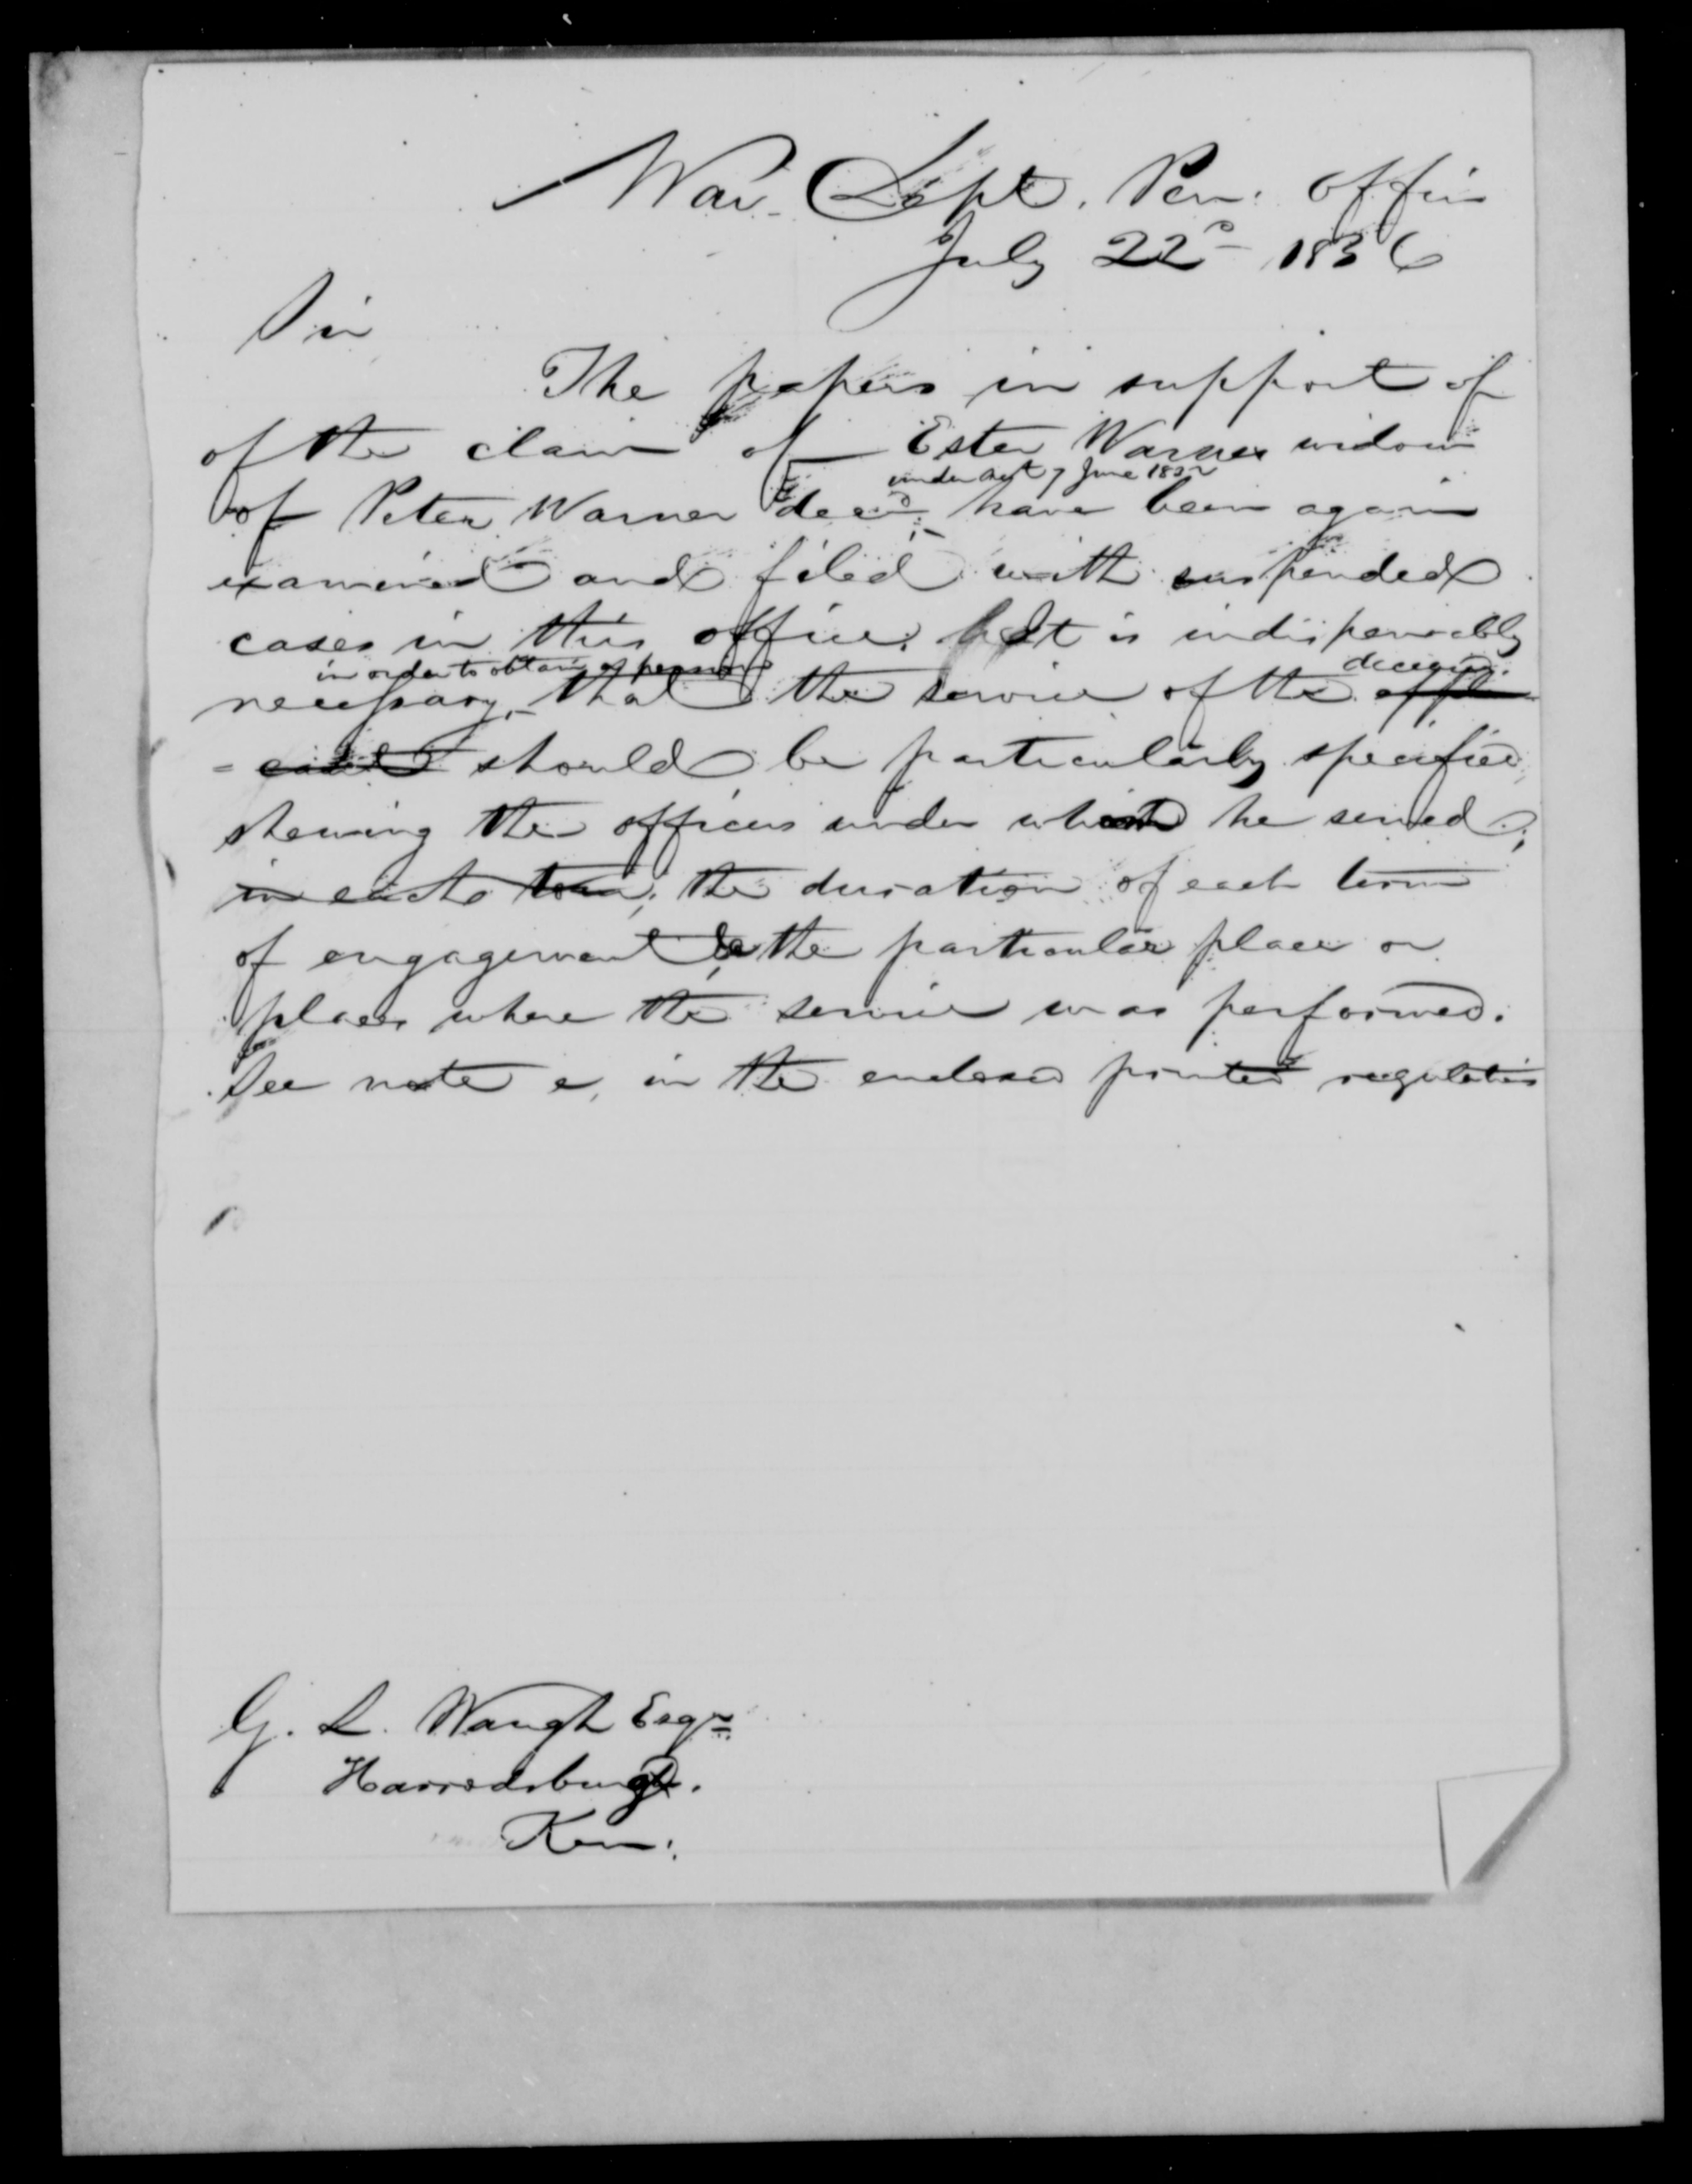War Sept Pen. Office
July 22d 1836
Sir

The papers in support of
the claim of Ester Warner widow
of Peter Warner decd under Act 7 June 1832 have been again
examined and filed with suspended
cases in this office but is indispensably
necessary in order to obtain a pension that the service of the deceased
should be particularly specified
shewing the officers under whom he served;
[crossed out: in each term;] the duration of each term
of engagement & the particular place or
places where the service was performed.
See note & in the enclosed printed regulations

G.L. Waugh Esqr
Harrodsburg
Ken.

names: Ester Warner, Peter Warner, G L Waugh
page: 14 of 14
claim: rejected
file: R 11149, Peter Worner, Md.